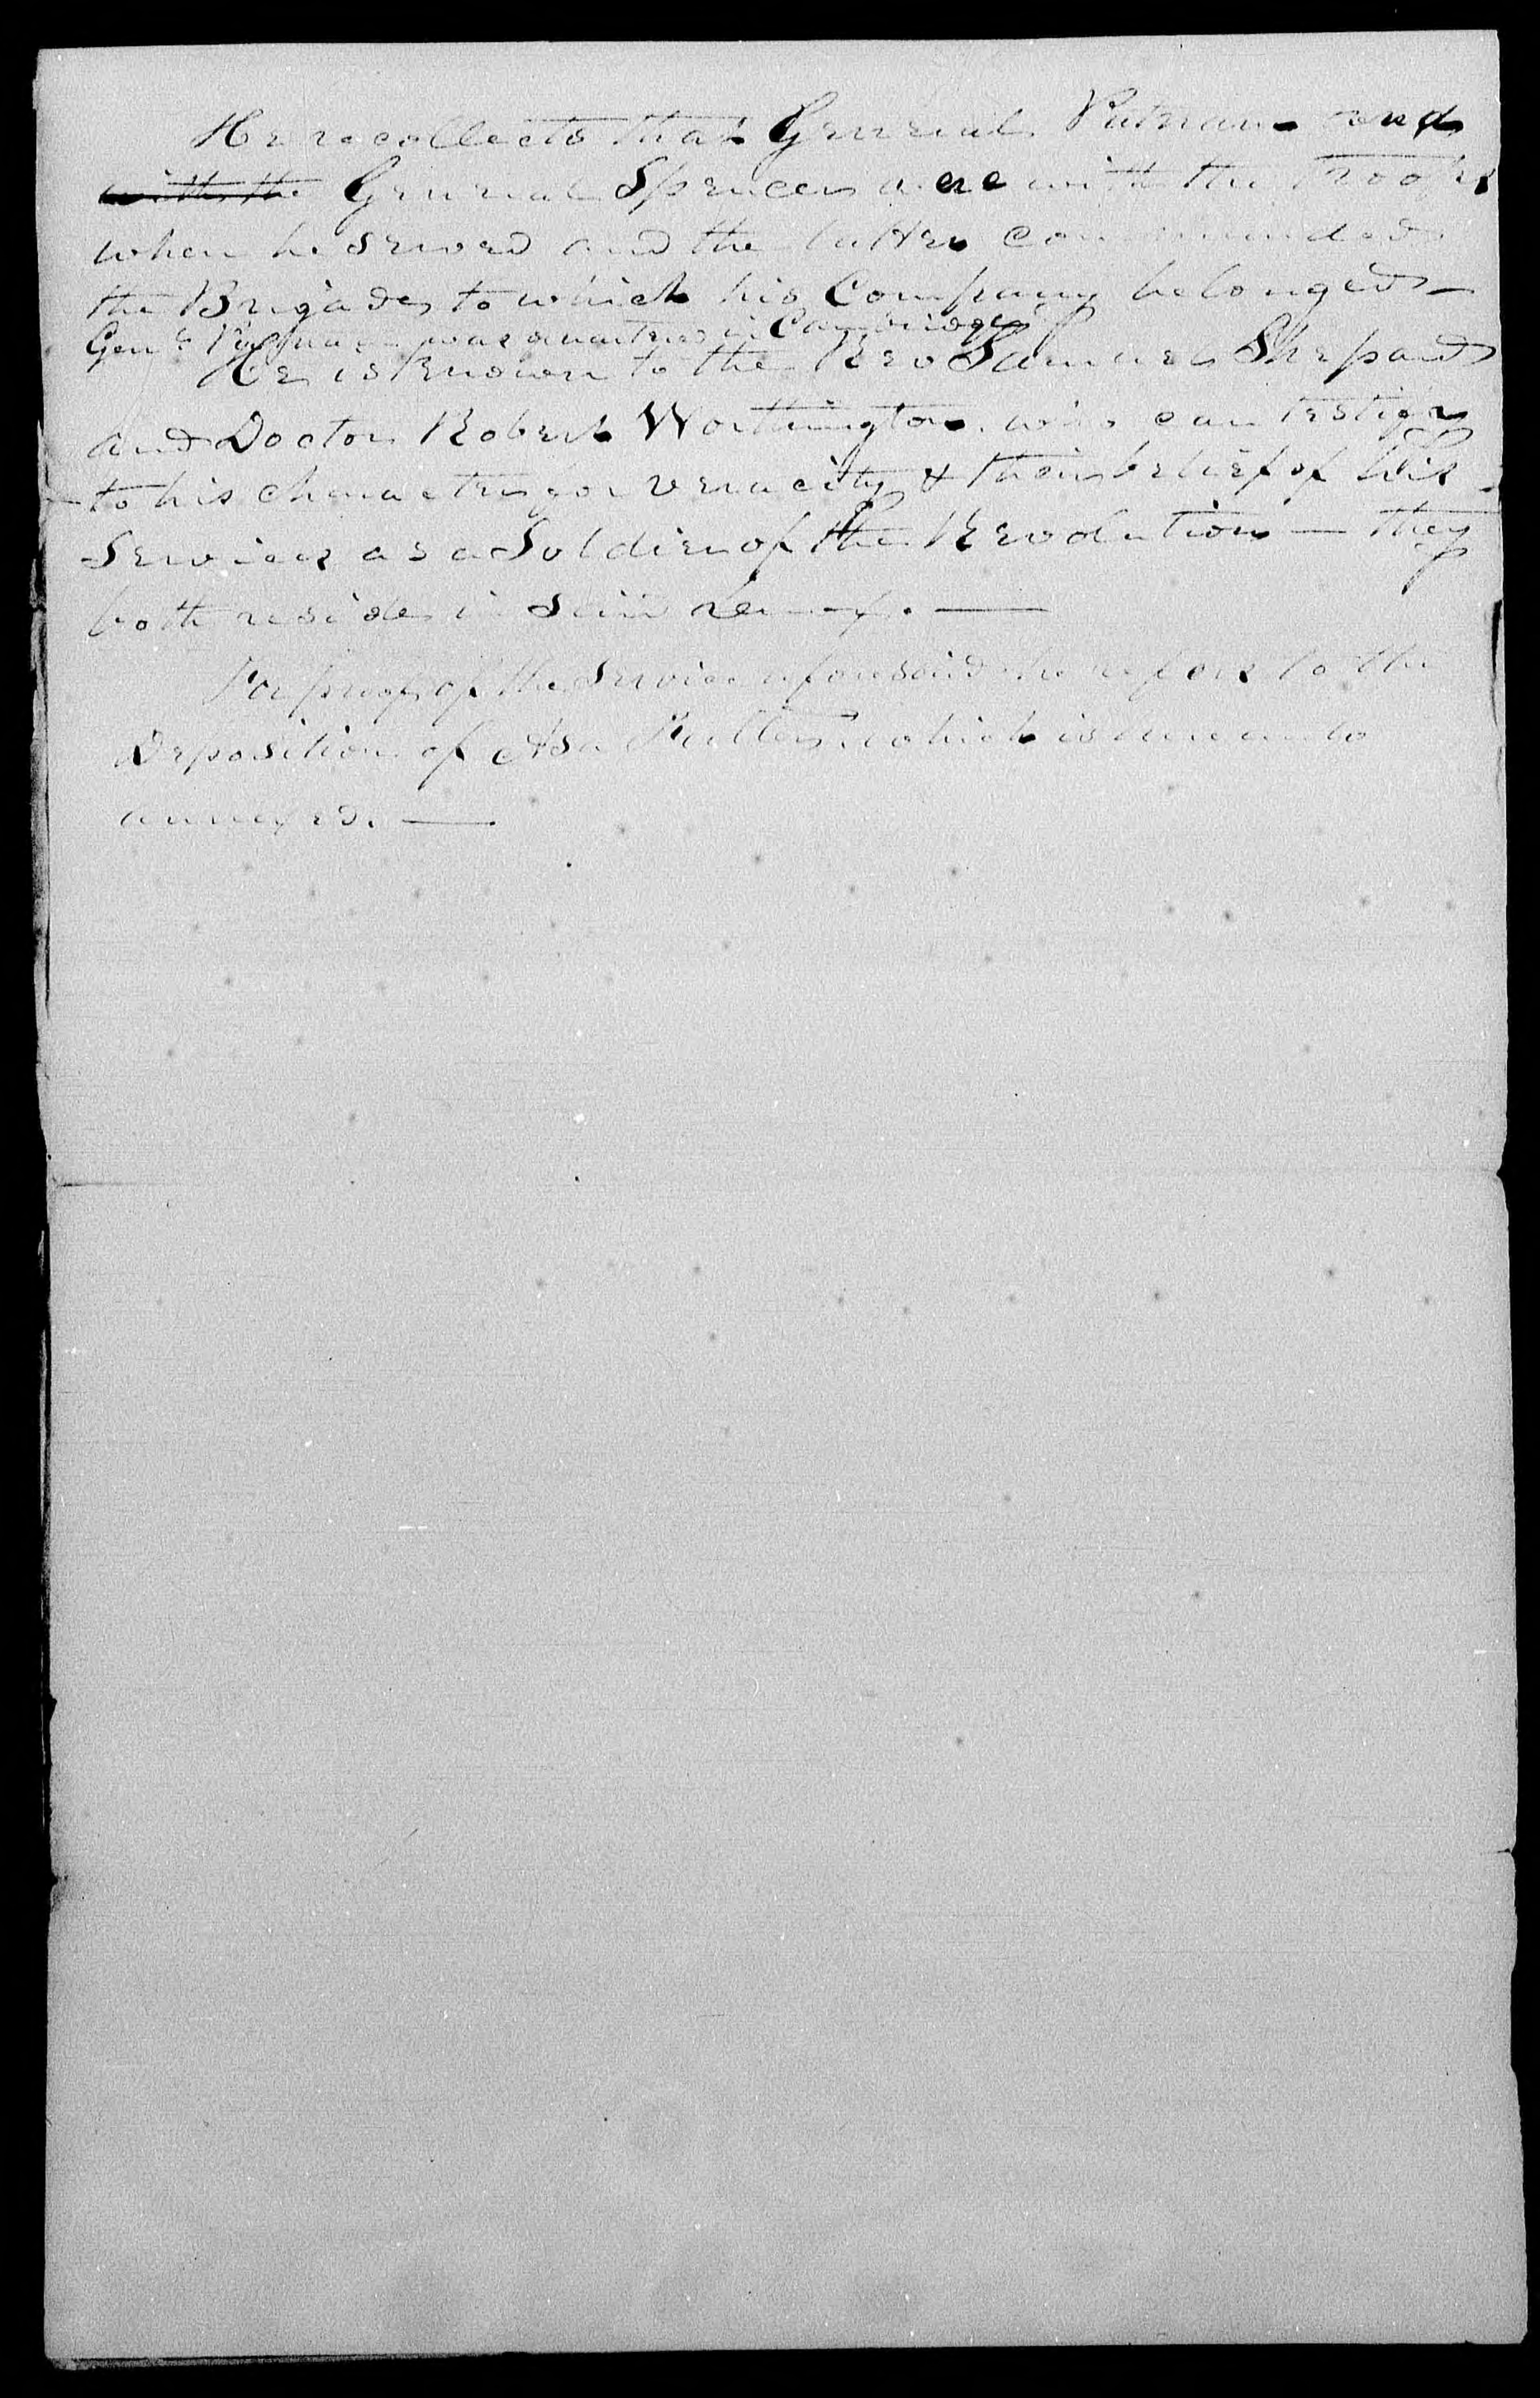He recollects that General Putnam General Spencer were with the troops when he served and the latter commanded the Brigades to which his company belonged- Genl [illegible] 
He is known to the Rev Samuel Shepard and Doctor Robert Worthington who can testify to his character for veracity & their belief of his Services as a soldier of the Revolution - they both reside in Said Lenox.-
For proof of the service aforesaid therefor to the Deposition of Asa Fuller, which is  [illegible] annexed.-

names: Spencer, Putnam, Asa Fuller, Samuel Shepard, Robert Worthington, Putnam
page: 8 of 15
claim: survivor's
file: S. 29,166, Dayton Fuller, Conn.